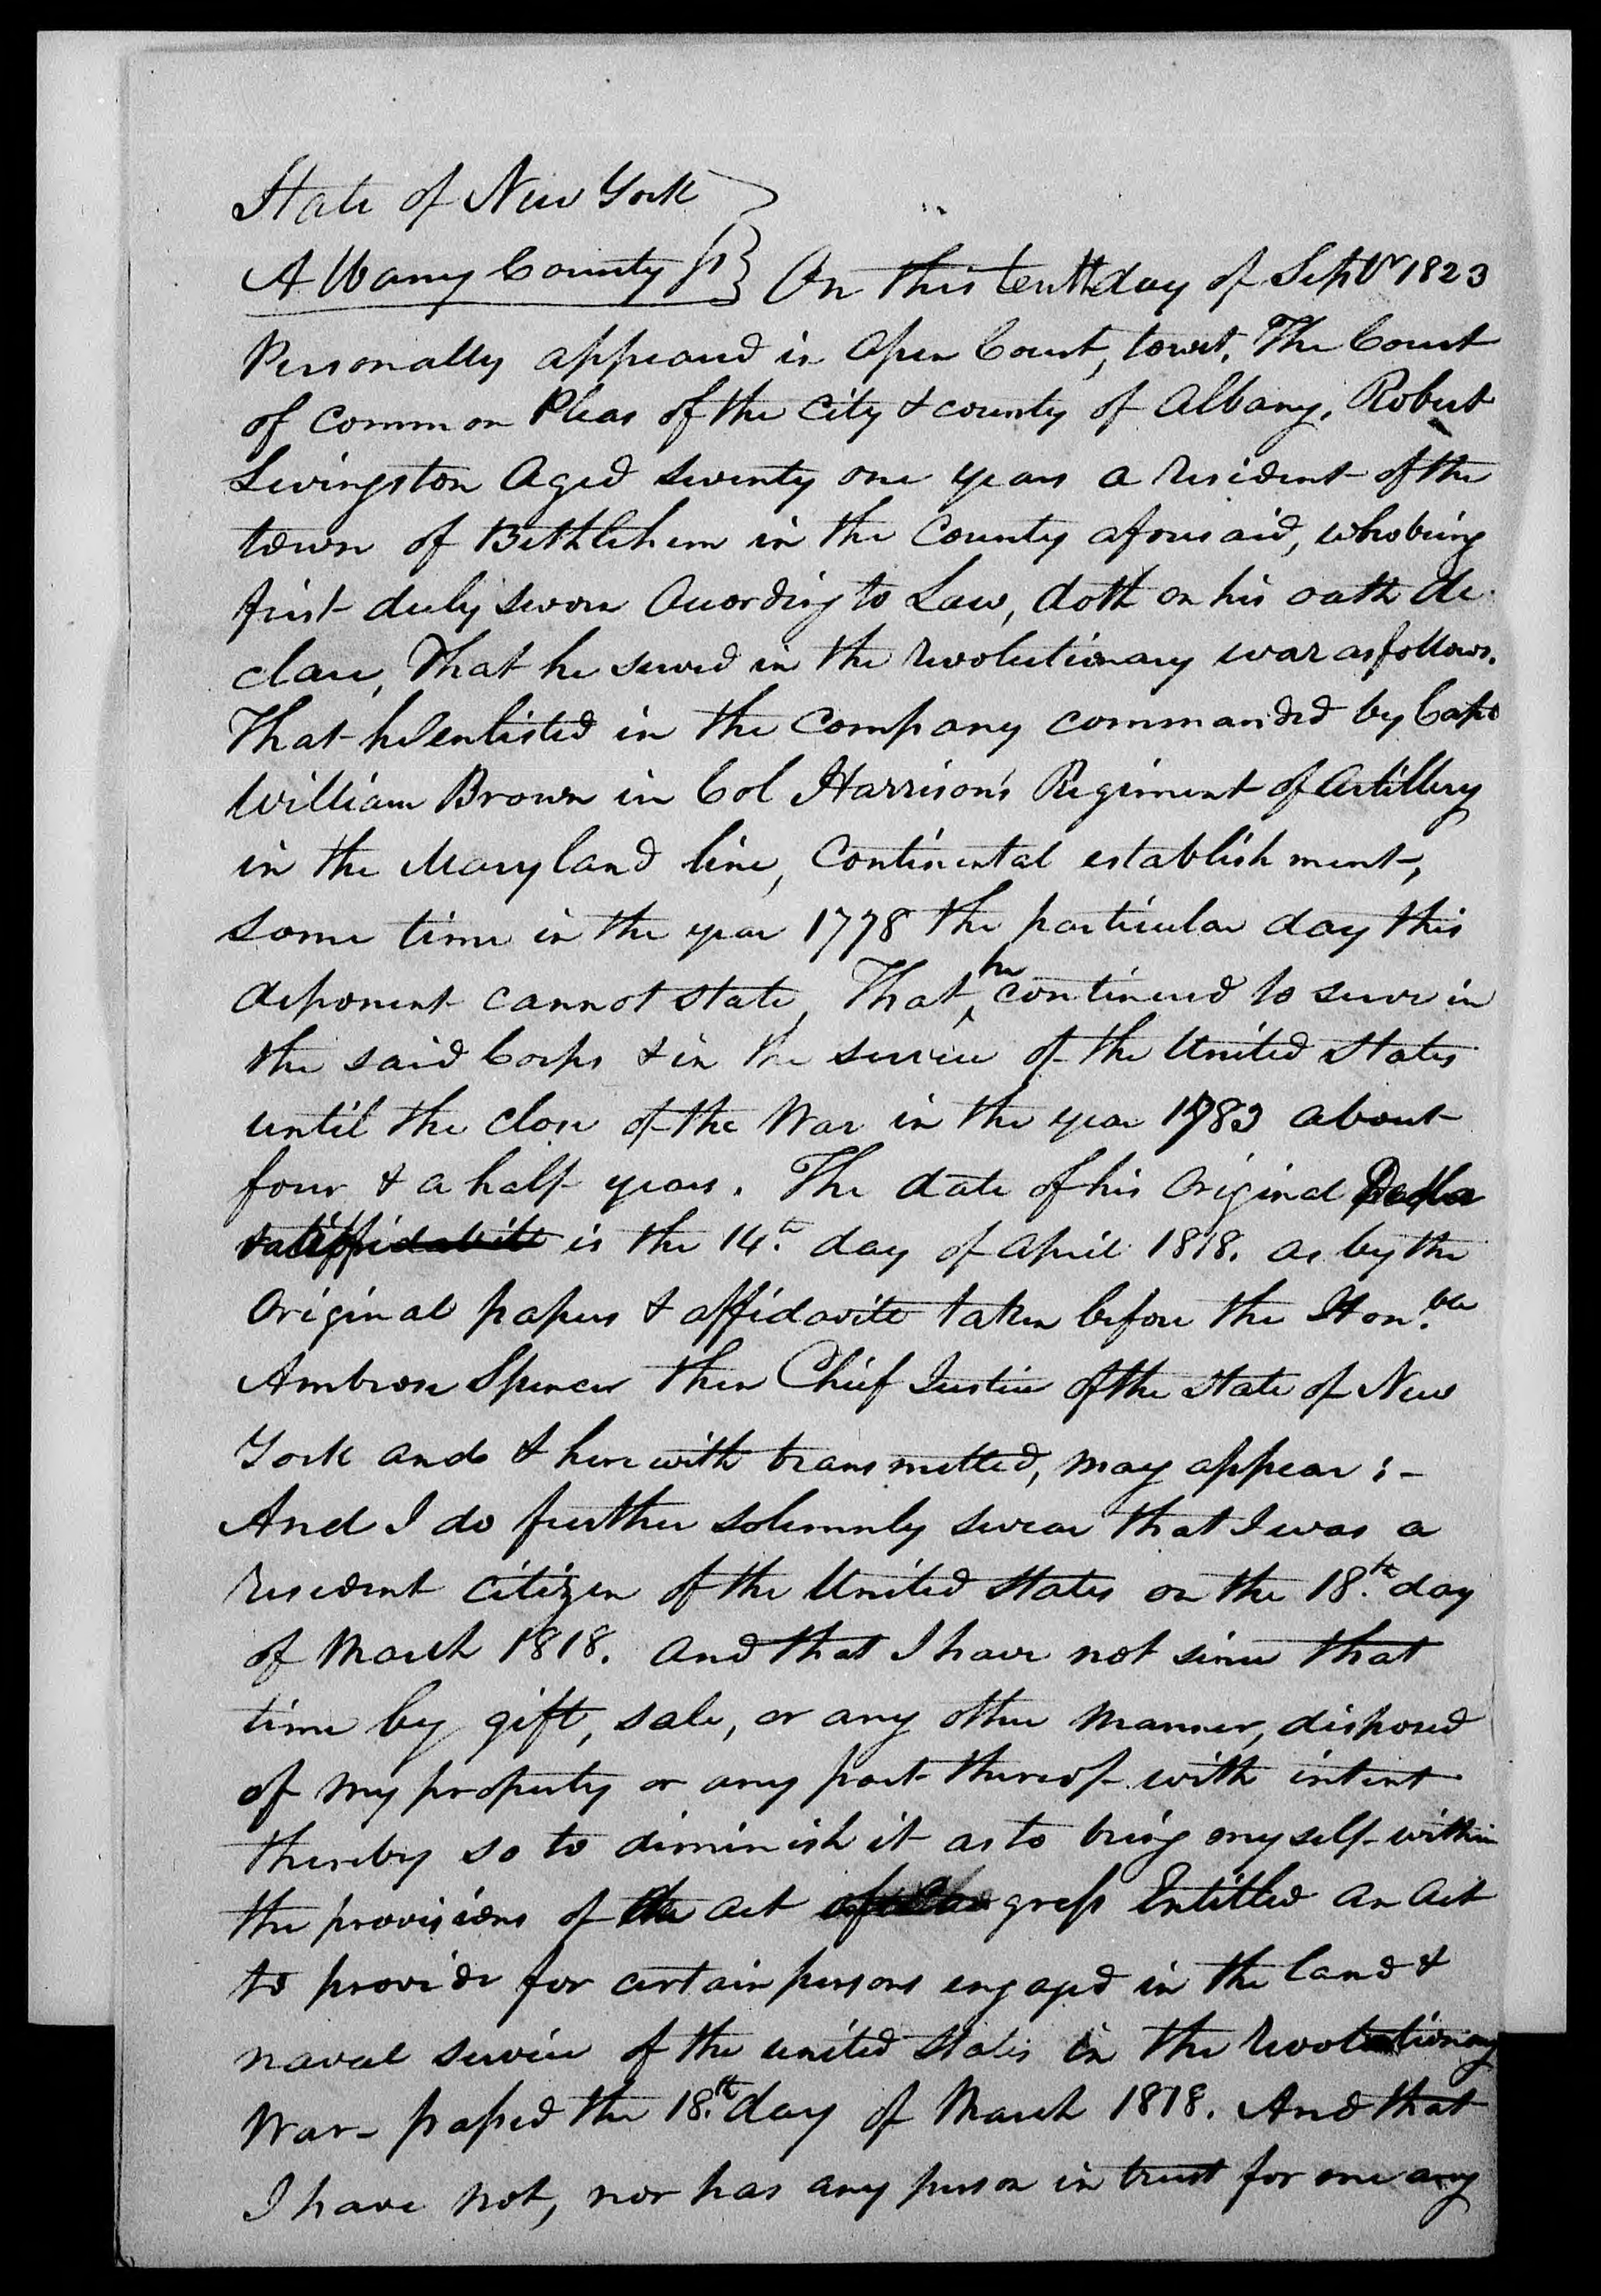State of New York
Albany County

On this tenth day of Sept 1823 personally appeared in open court to wit, the court of Common Pleas of the city & county of Albany Robert Livingston aged seventy one years a resident of the town of Bethlehem in the county aforesaid who being first duly sworn according to law doth on his oath declare that he served in the revolutionary war as follows: That he enlisted in the company commanded by Capt. William Brown in Col. Harrison's Regiment of Artillery in the Maryland line, continental establishment sometime in the year 1778 the particular day this deponent cannot state, that he continued to serve in the said corps & in the service of the United States until the close of the war in the year 1783 about four & a half years. The date of his original depositions is the 14th day of April 1818 as by the original papers & affidavit taken before the Hon'bl Ambrose Spencer then Chief Justice of the State of New York and herewith transmitted may appear; and I do further solemnly swear that I was a resident citizen of the United States on the 18th day of March 1818 and that I have not since that time by gift, sale or any other means disposed of my property or any part thereof with intent thereby so to diminish it as to bring myself within the provisions of the at of congress entitled an act to provide for certain persons engaged in the land & naval service of the United States in the revolutionary war - passed the 18th day of March 1818 and that I have not nor has any person in trust for me any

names: Ambrose Spencer; William Brown; Robert Livingston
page: 5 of 23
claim: survivor's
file: S 42874, for Robert Livingston, Maryland